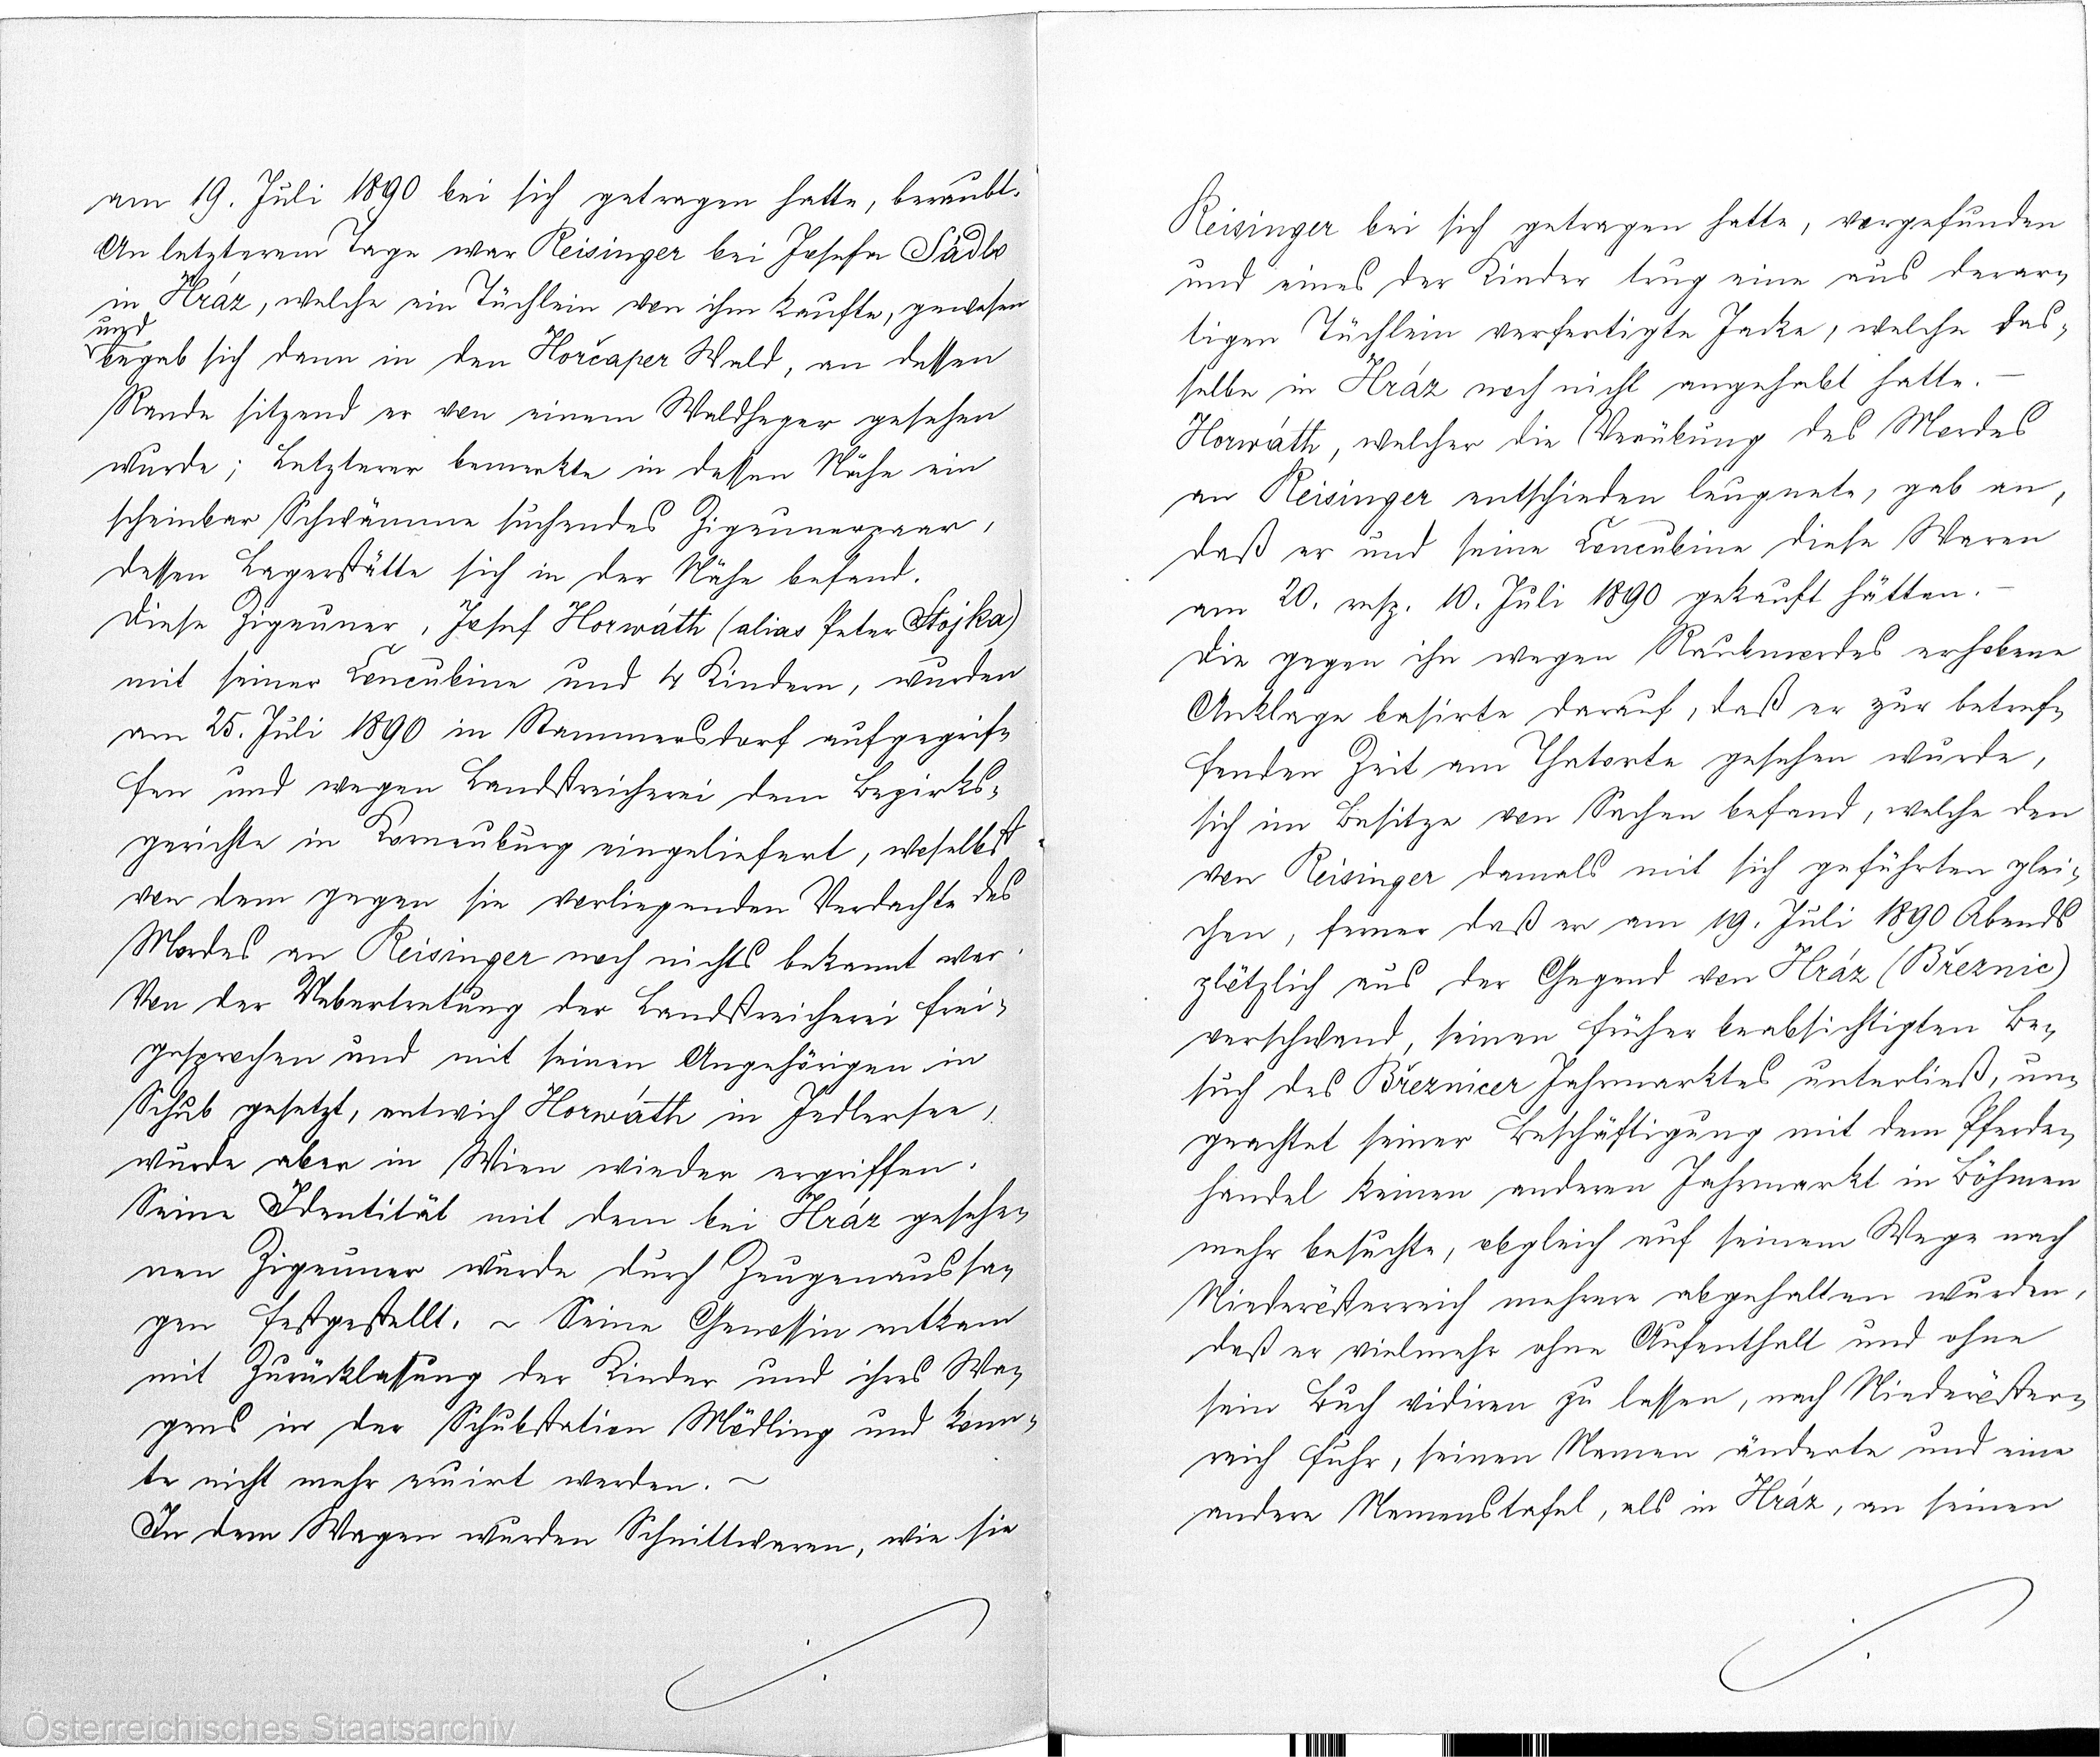am 19. Juli 1890 bei sich getragen hatte, beraubt.
An letzteren Tage war Reisinger bei Josefa Sádbe
in Hráz, welche ein Tüchlein von ihm kaufte, gewesen
und
begab sich dann in den Horčaper Wald, an dessen
Rande sitzend er von einem Waldheger gesehen
wurde; letzterer bemerkte in dessen Nähe ein
scheinbar Schwämme suchendes Zigeunerpaar,
dessen Lagerstätte sich in der Nähe befand.
Diese Zigeuner, Josef Horwáth (alias Peter Stojka)
mit seiner Concubin und 4 Kindern, wurden
am 25. Juli 1890 in Stammersdorf aufgegrif¬
fen und wegen Landstreicherei dem Bezirks¬
gerichte in Korneuburg eingeliefert, woselbst
von dem gegen sie vorliegenden Verdachte des
Mordes an Reisinger noch nichts bekannt war.
Von der Uebertretung der Landstreicherei frei¬
gesprochen und mit seinen Angehörigen in
Schub gesetzt, entwich Horwáth in Jedlersee,
wurde aber in Wien wieder ergriffen.
Seine Identität mit dem bei Hráz gesehe¬
nen Zigeuner wurde durch Zeugenaussa¬
gen festgestellt. Seine Genossin entkam
mit Zurücklassung der Kinder und ihres Wa¬
gens in der Schubstation Mödling und konn¬
te nicht mehr eruirt werden.
In dem Wagen wurden Schnitttwaren, wie sie
Reisinger bei sich getragen hatte, vorgefunden
und eines der Kinder trug eine aus derar¬
tigen Tüchlein verfertigte Jacke, welche des¬
selbe in Hráz noch nicht angehabt hatte.–
Horwáth, welcher die Verübung des Mordes
an Reisinger entschieden leugnete, gab an,
daß er und seine Concubine diese Waren
am 20. Resp. 10. Juli 1890 gekauft hätten.–
Die gegen ihn wegen Raubmordes erhobene
Anklage basirte darauf, das er zur betref¬
fenden Zeit am Thatorte gesehen wurde,
sich ein Besitze von Sachen befand, welche den
von Reisinger damals mit sich geführten glei¬
chen, ferner daß er am 19. Juli 1890 Abends
plötzlich aus der Gegend von Hráz (Březnic)
verschwand, seiner früher beabsichtigten Be¬
such des Březnicer Jahrmarkt unterließ, un¬
geachtet seiner Beschäftigung mit dem Pferde¬
handel keinen anderen Jahrmarkt in Böhmen
mehr besuchte, obgleich auf seinem Wege nach
Niederösterreich mehrere abgehalten wurden,
daß er vielmehr ohne Aufenthalt und ohne
sein Buch vidiren zu lassen , nach Niederöster¬
reich fuhr, seinen Namen änderte und eine
andere Namenstafel, als in Hráz, an seinen